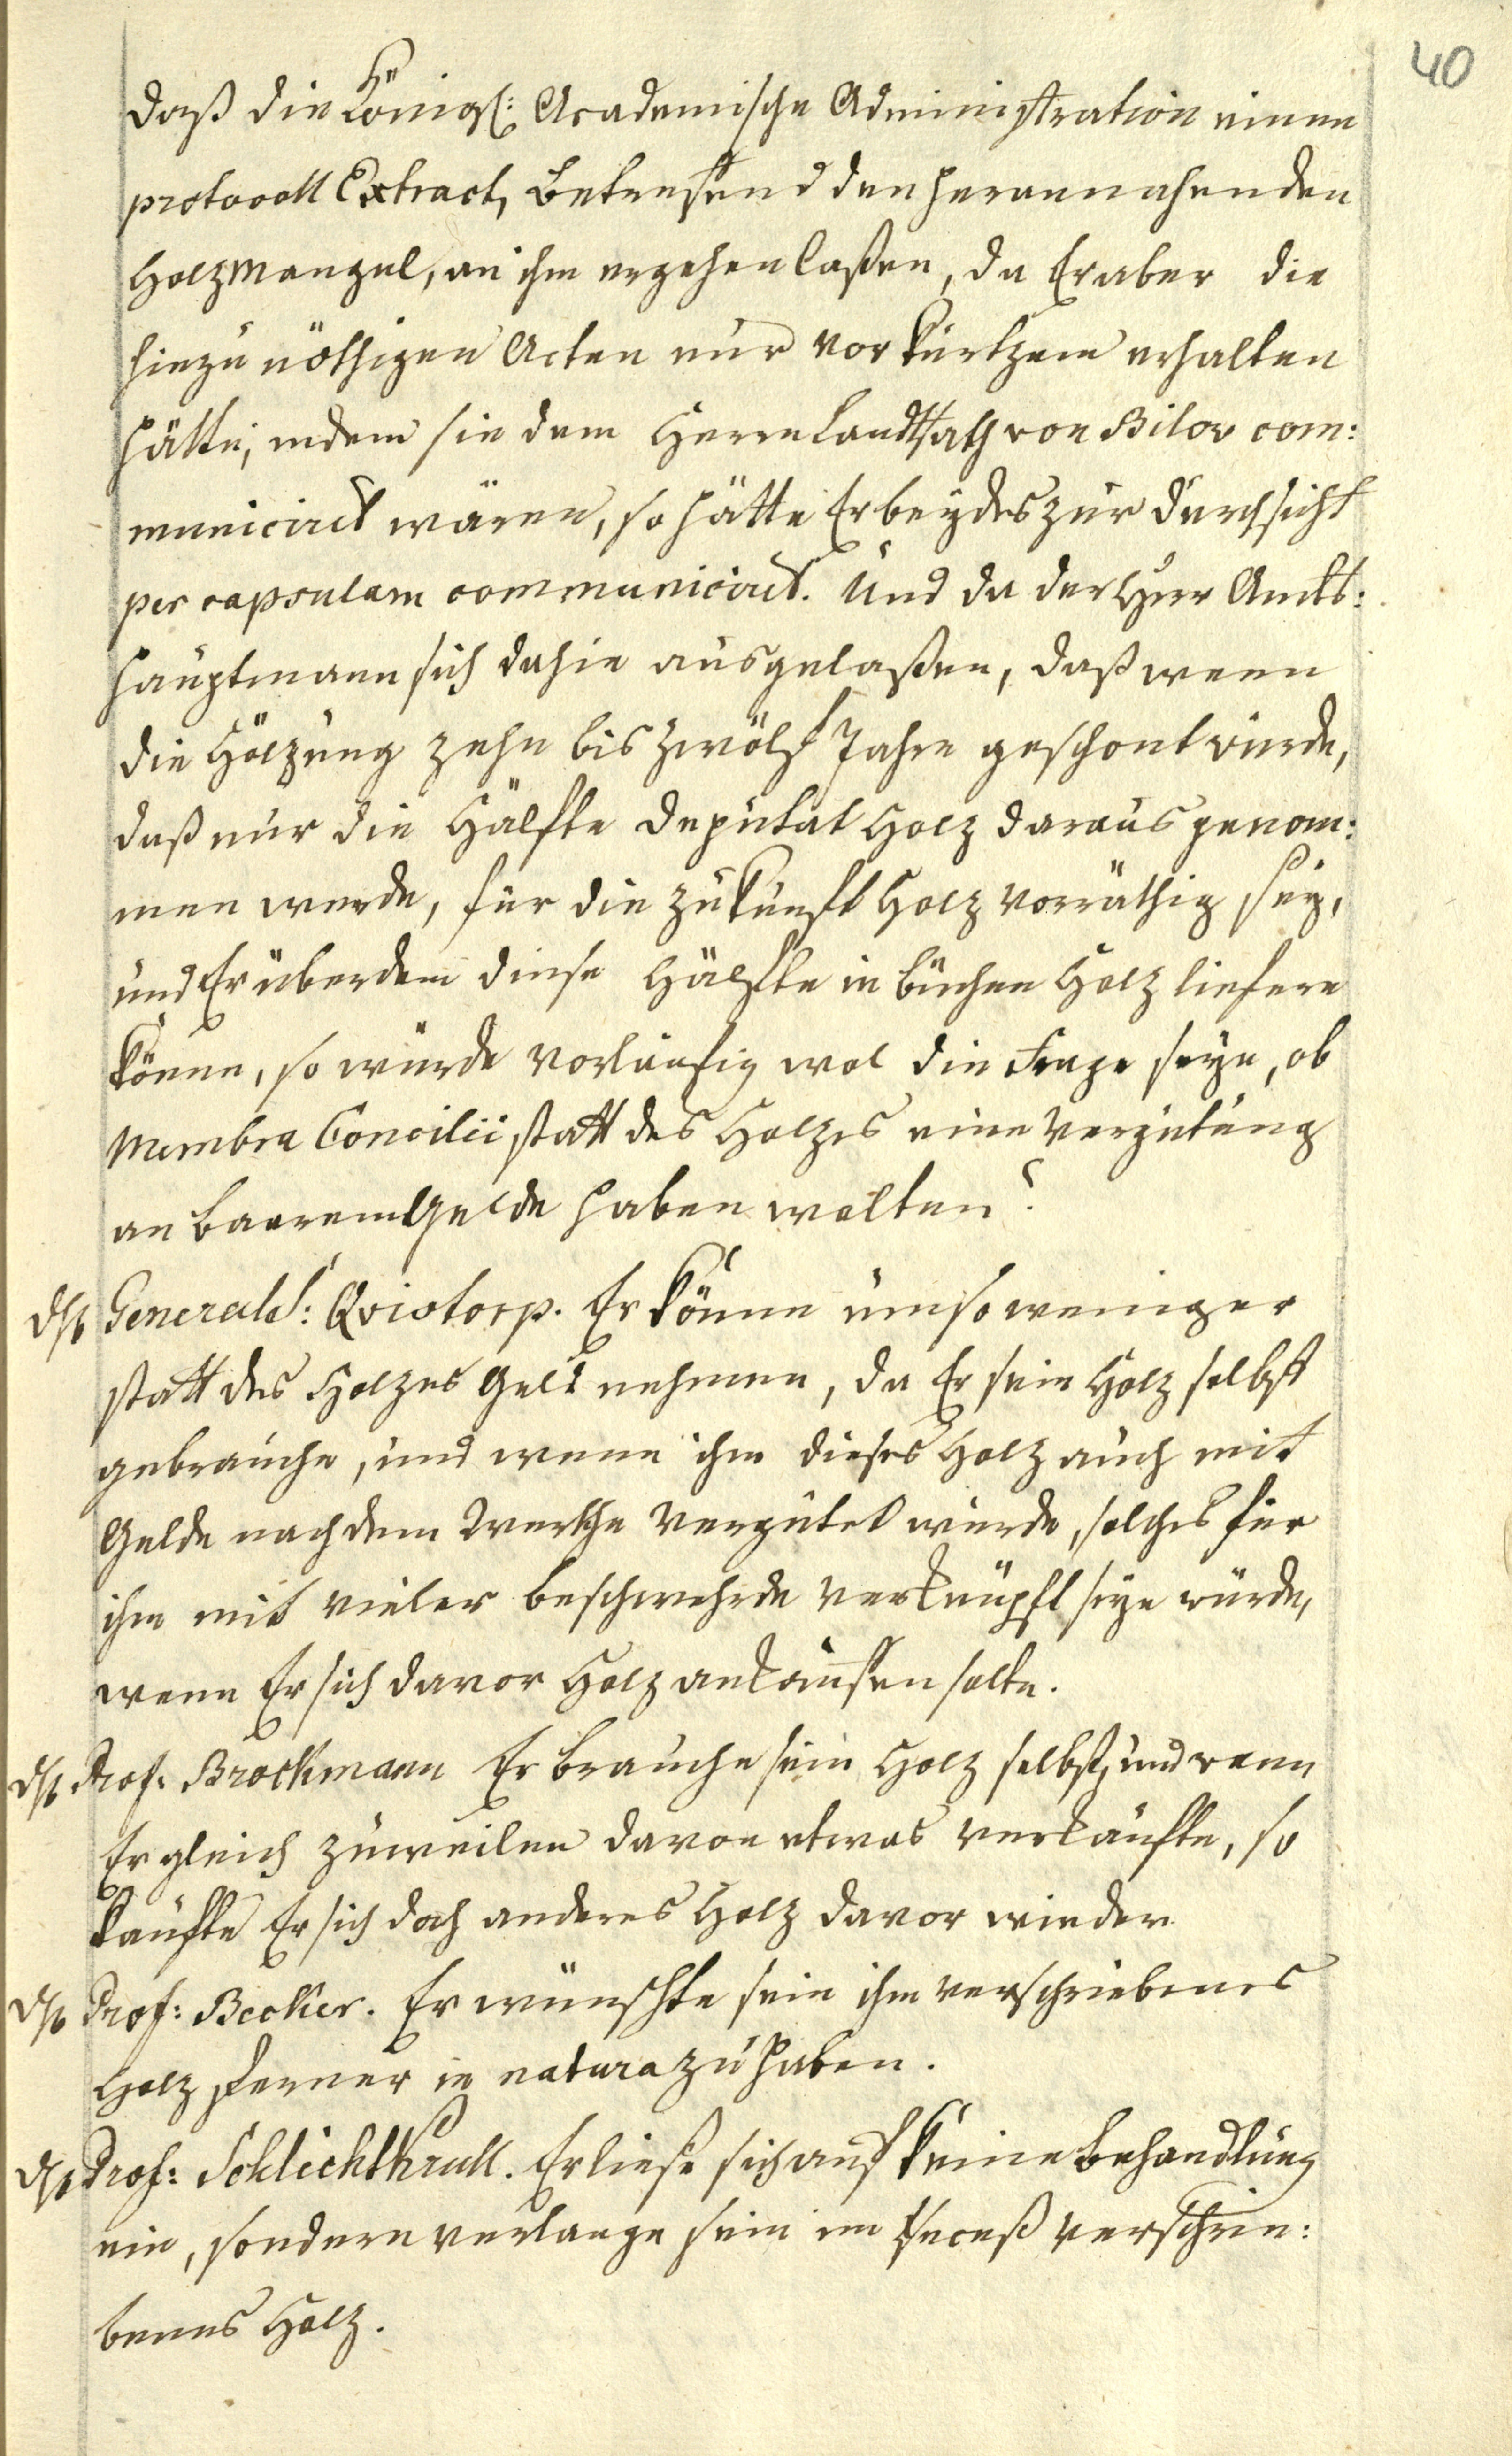daß die Königl. Academische Administration einen
protocoll Extract, betreffend den herannahenden
HolzMangel, an ihm ergehen laßen, da Er aber die
hiezu nöthigen Acten nur vor kurtzem erhalten
hätte, indem sie dem Herrn LandRath von Bilow com¬
municiret wären, so hätte Er beÿdes zur Durchsicht
per capsulam communiciret. Und da der Herr Amts¬
hauptmann sich dahin ausgelaßen, daß wenn
die Hölzung zehn bis zwölf Jahre geschont würde,
daß nur die Hälfte Deputat Holz daraus genom¬
men würde, für die Zukunft Holz vorräthig seÿ,
und Er überdem diese Hälfte im Büchen Holz liefern
könne, so würde vorläufig wol die Frage seÿn, ob
Membra Concilii statt des Holzes eine Vergütung
an BaaremGelde haben wolten.
dh. GeneralS. Quistorp. Er könne ein so weniger
statt des Holzes Geld nehmen, da Er sein Holz selbst
gebrauche, und wenn ihm dieses Holz auch mit
Gelde nach dem Werthe vergütet würde, solches für
ihm mit vieler Beschwehrde verknüpft seÿn würde,
wenn Er sich davor Holz eankaufen solte.
dh Prof. Brockmann Er brauche sein Holz selbst und wenn
Er gleich zuweilen davon etwas verkaufte, so
kaufte Er sich doch anderes Holz davor wieder.
dh Prof. Becker. Er wünschte sein Ihm verschriebenes
Holz ferner in natura zu haben.
dh Prof. Schlichtkrull. Es ließe sich auf keine Behandlung
ein, sondern verlange sein im Receß verschrie¬
benes Holz.